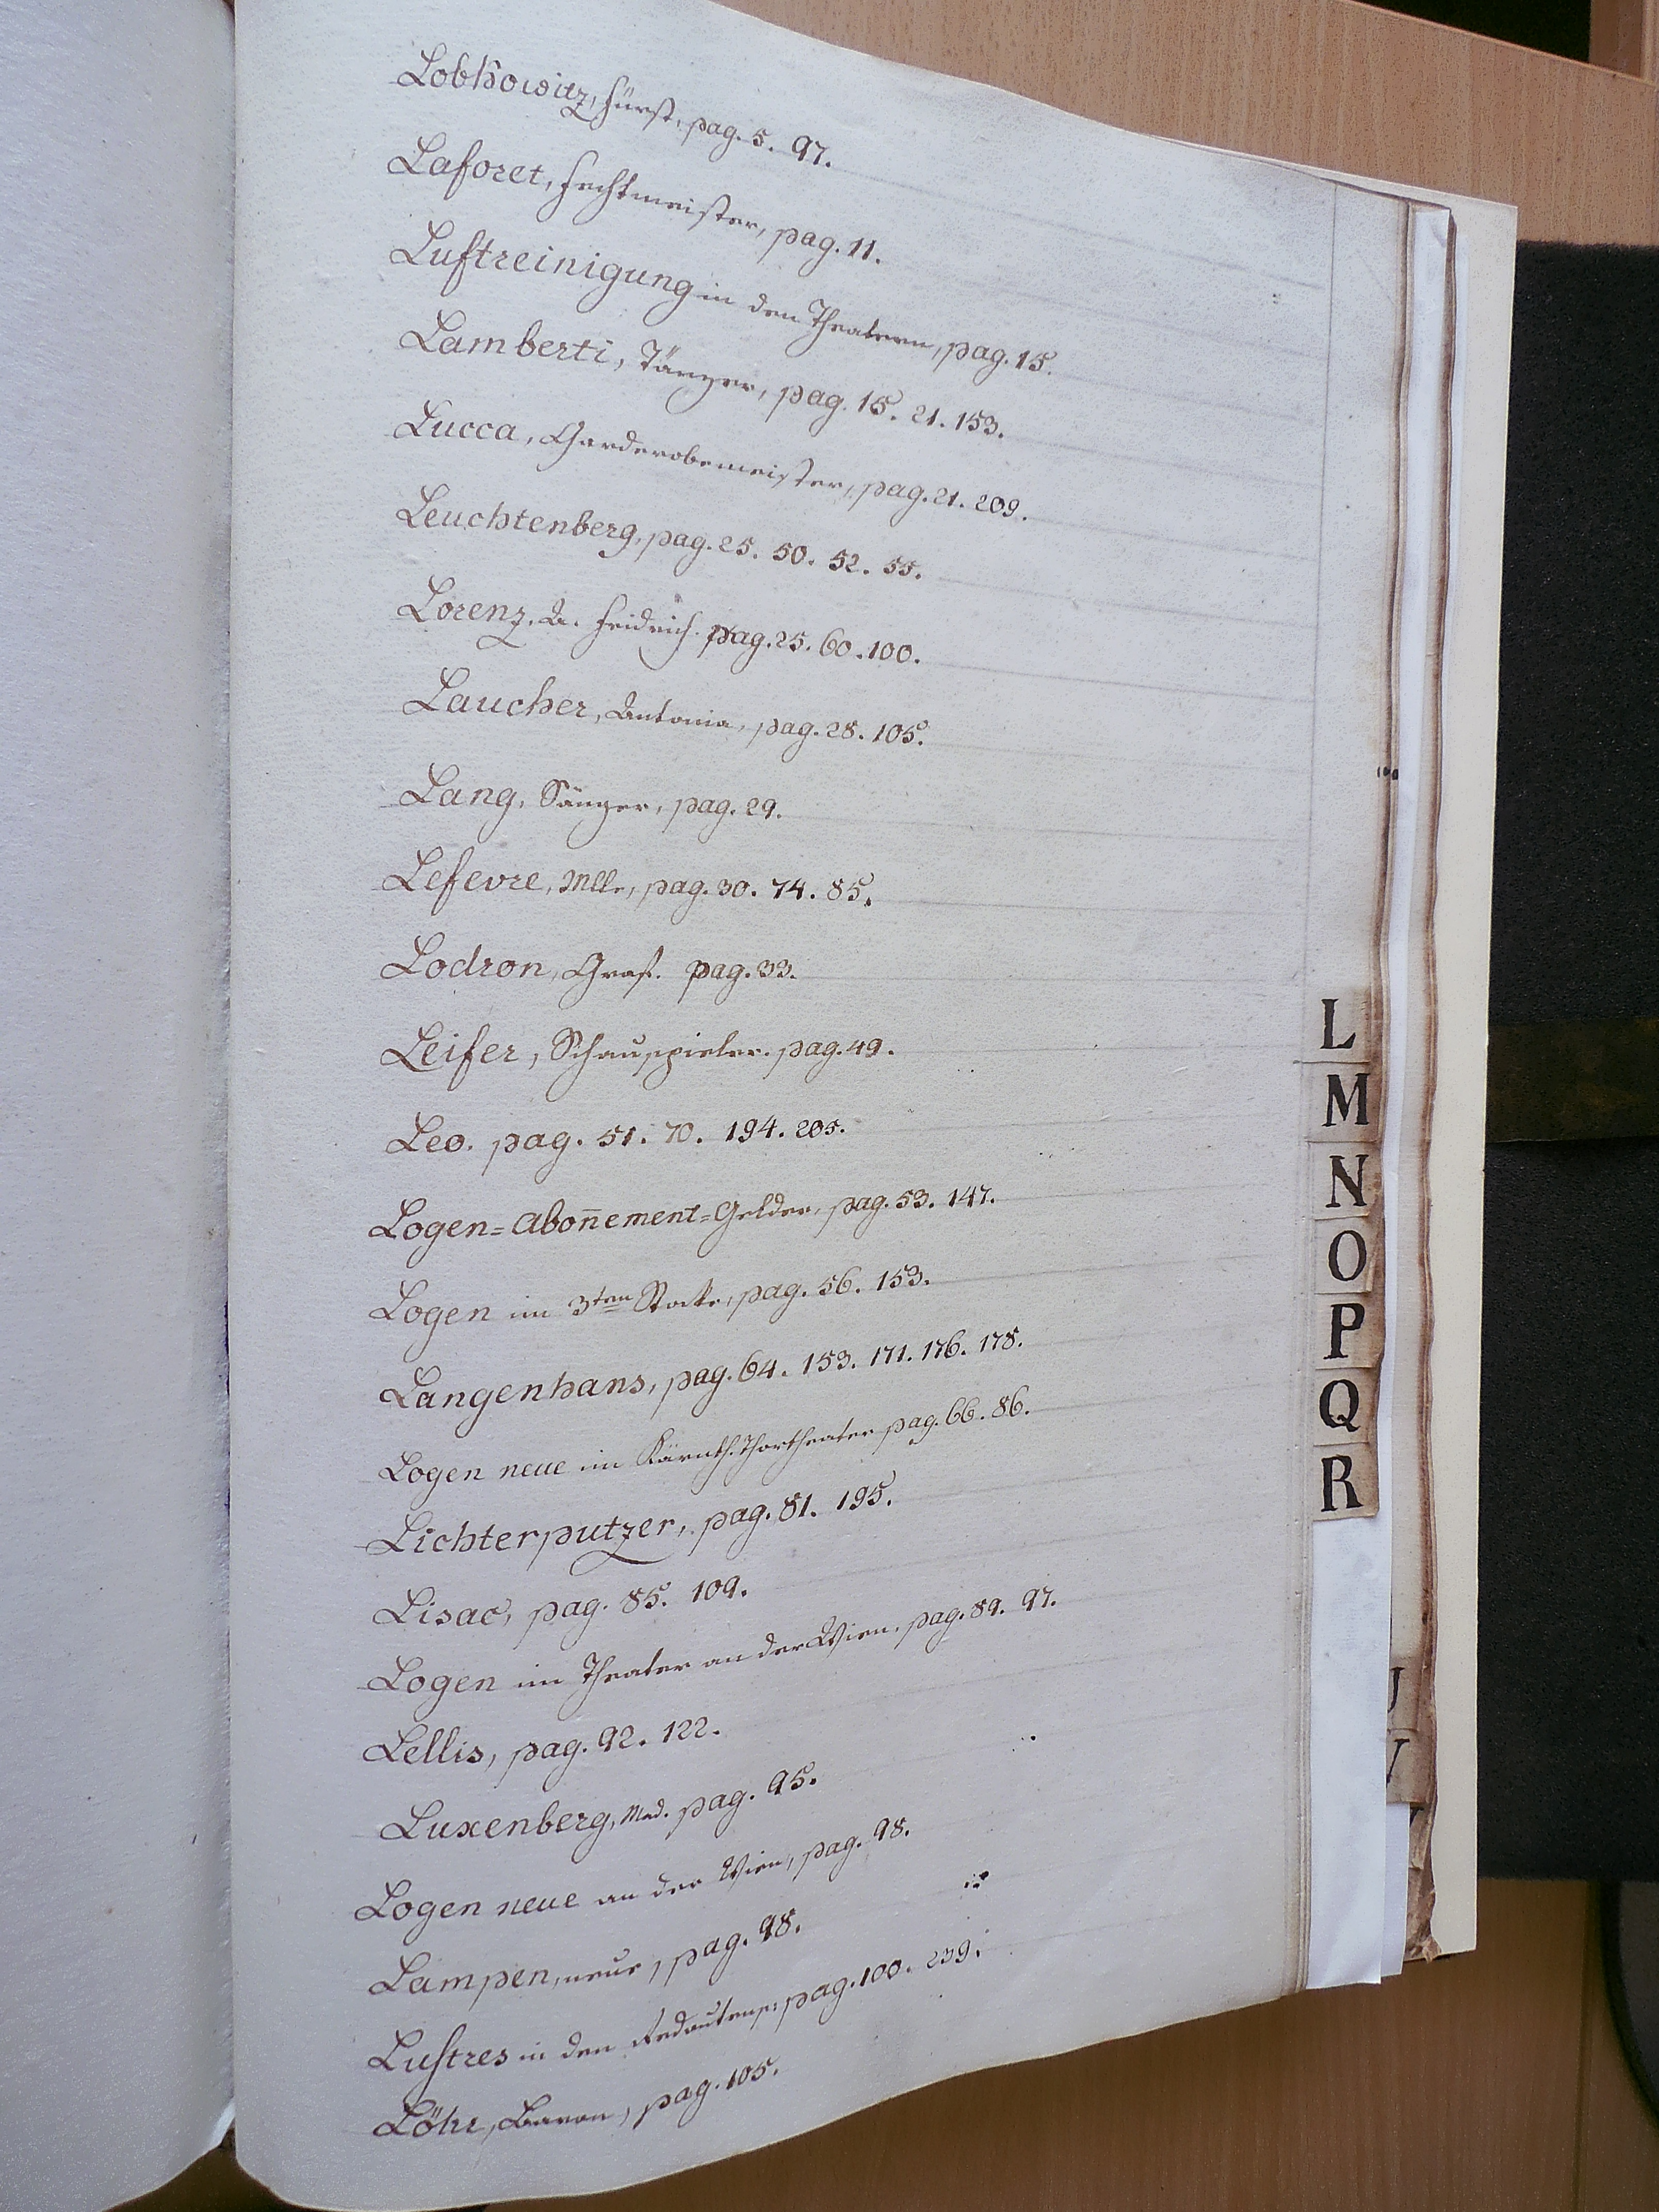L
Lobkowitz, Fürst, pag. 5. 97.
Laforet, Fechtmeister, pag. 11.
Luftreinigung in den Theatern, pag. 15.
Lamberti, Tänzer, pag. 15. 21. 153.
Lucca, Garderobemeister, pag. 21. 209.
Leuchtenberg, pag. 25. 50. 52. 55.
Lorenz, A. Fridrich. pag. 25. 60 100.
Laucher, Antonia, pag. 28. 105.
Lang, Sänger, pag. 29.
Lefevre, Mlle, pag. 30. 74. 85.
Lodron, Graf. pag. 33.
Leifer, Schauspieler. pag. 49.
Leo. pag. 51. 70. 194. 205.
Logen=Abon̅ement=Gelder, pag. 53. 147.
Logen im 3te͇n Stocke, pag. 56. 153.
Langenhans, pag. 64. 153. 171. 176. 178.
Logen neue im Kärnth.Thortheater pag. 66. 86.
Lichterputzer, pag. 81. 195.
Lisac, pag. 85. 109.
Logen im Theater an der Wien, pag. 89. 97.
Lellis, pag. 92. 122.
Luxenberg, Mad. pag. 95.
Logen neue an der Wien, pag. 98.
Lampen, neue, pag. 98.
Lustres in den Redoutens: pag. 100. 239.
Löhr, Baron, pag. 105.